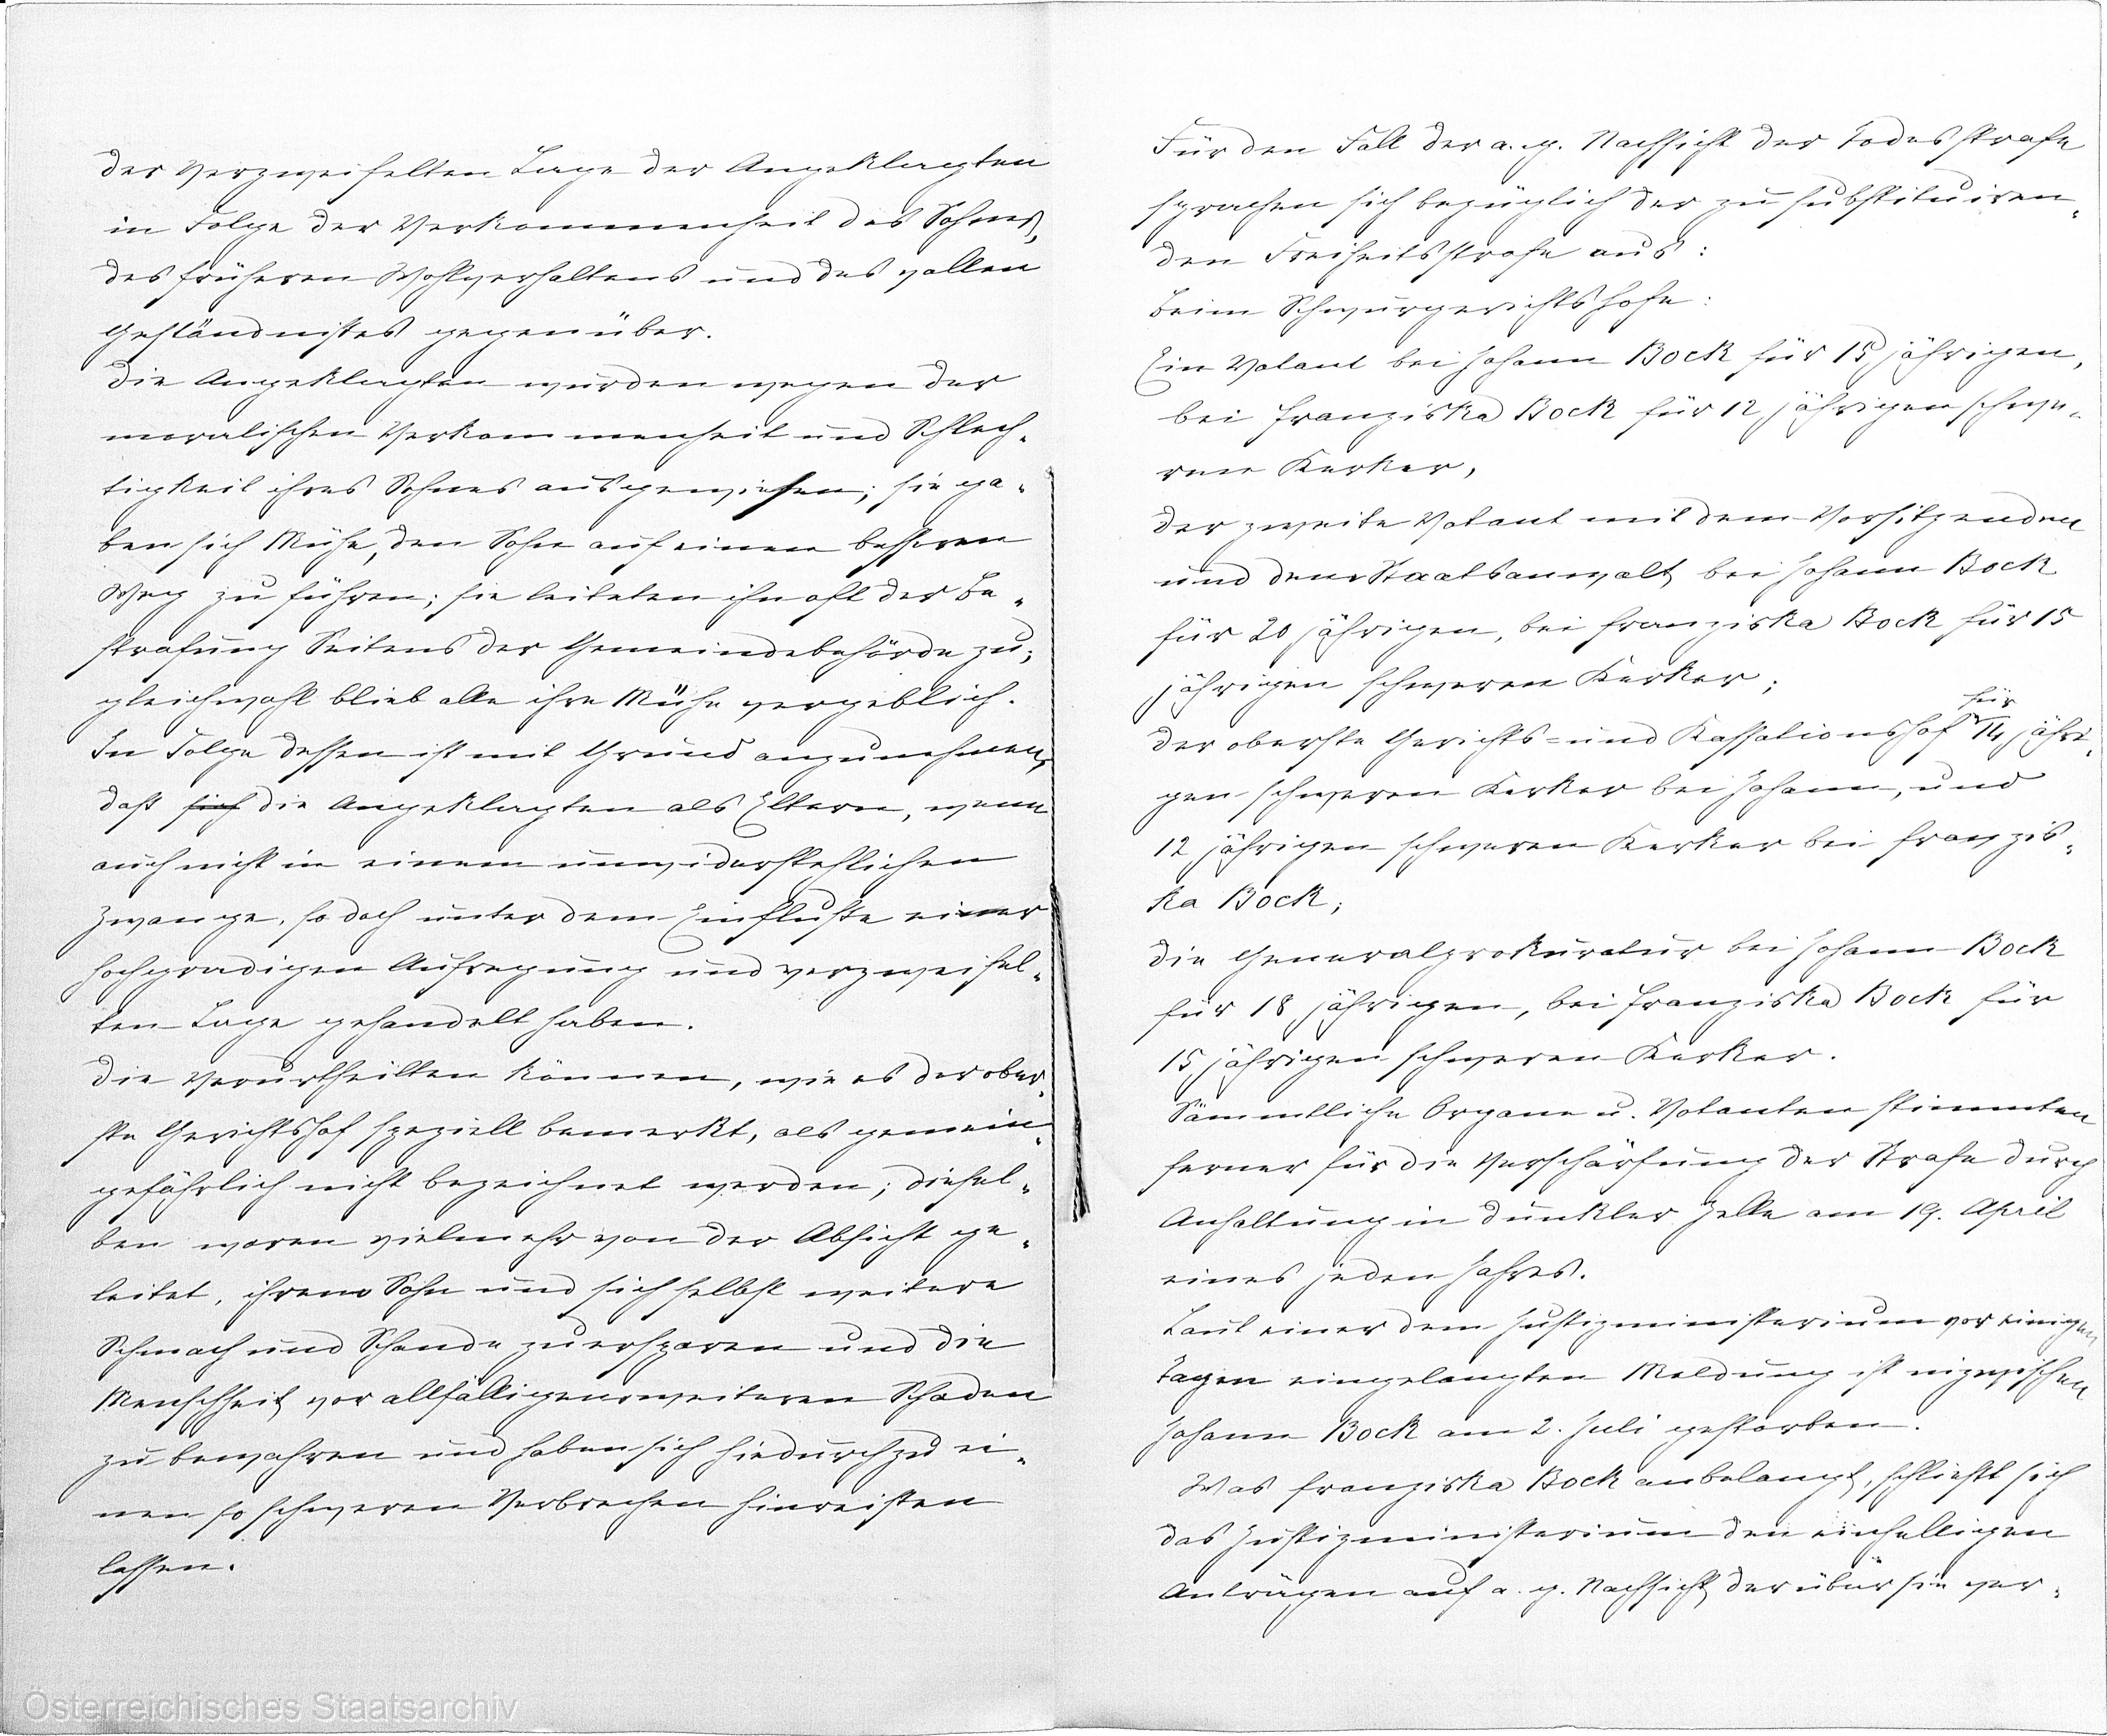der verzweifelten Lage der Angeklagten
in Folge der Verkommenheit des Sohnes
des früheren Wohlverhaltens und des vollen
Geständnistes gegenüber.
Die Angeklagten wurden wegen der
moralischen Verkommenheit und Schlech¬
tigkeit ihres Sohnes aus gewiesen; sie ga¬
ben sich Mühe, den Sohn auf einen Besseren
weg zu führen; sie leiteten ihn oft der Be¬
strafung Seitens der Gemeindebehörde zu;
gleichwohl blieb alle ihre Mühe vergeblich.
In Folge dessen ist mit Grund anzumxxmen¬
dast sich die Angeklagten als Eltern, wenn
auch nicht in einem unwiderstehlichsten
Zwange, so dach unter dem Einfluste einer
Hochgradigen Aufregung und verzweifel¬
ten Lage gehandelt haben.
Die Verurtheilten können, wie es dersber¬
ste Gerichtshof speziell bemerkt, als gemein
gefährlich nicht bezeichnet werden; diesel¬
ben woren vielmehr von der Absicht ge¬
leitet ihrem Sohn und sich selbst weitere
Schmach und Schande zu erszoren und die
Menschheit vor allfälligeneweiteren Schaden
zu bewahren und haben sich hiedurch zu ei¬
nen so schweren Verbrechen Hinreisten
lassen.
Für den Fall der a. g. Nachsicht der Todesstrafe
sprachen sich bezüglich der zu substituieren
den Freiheitsstrafe aus:
Beim Schwurgerichtshofe:
Ein Volant bei Johann Bock für 15 jährigen,
bei Franziska Bock für 12 jährigen schwer¬
ner Kerker,
Die zwiete Volant mit dem Vorsitzenden
und dem Staatsanwalt bei Johann Bock
für 20 jährigen , bei Franziska Bock für 15
jährigen schweren Kerker;
Der oberste Gerichts- und Kassationshof für 14 jähri¬
gen schweren Kerker bei Johann und
12 jährigen schweren Kerker bei Franzis¬
ka Bock;
Die Genaralzrokuratur bei Johann Bock
für 18 jährigen , bei Franziska Bock für
15 jährigen schweren Kerker.
Sämmtliche Organe u. Volanten stimmten
ferner für die Verschärfung der Strafe durch
Anhaltung in dunkler Zelle am 19. April
eines jeden Jahres.
Laut einer dem Justizministerium vor einigen
Tagen eingelangten Meldung ist eizwischen
Johann Bock am 2. Juli gestorben.
Was Franziska Bock anbelangt, schliefst sich
das Justizministerium den einhelligen
Anträgen auf a. g. Nachsicht der über sie ver¬